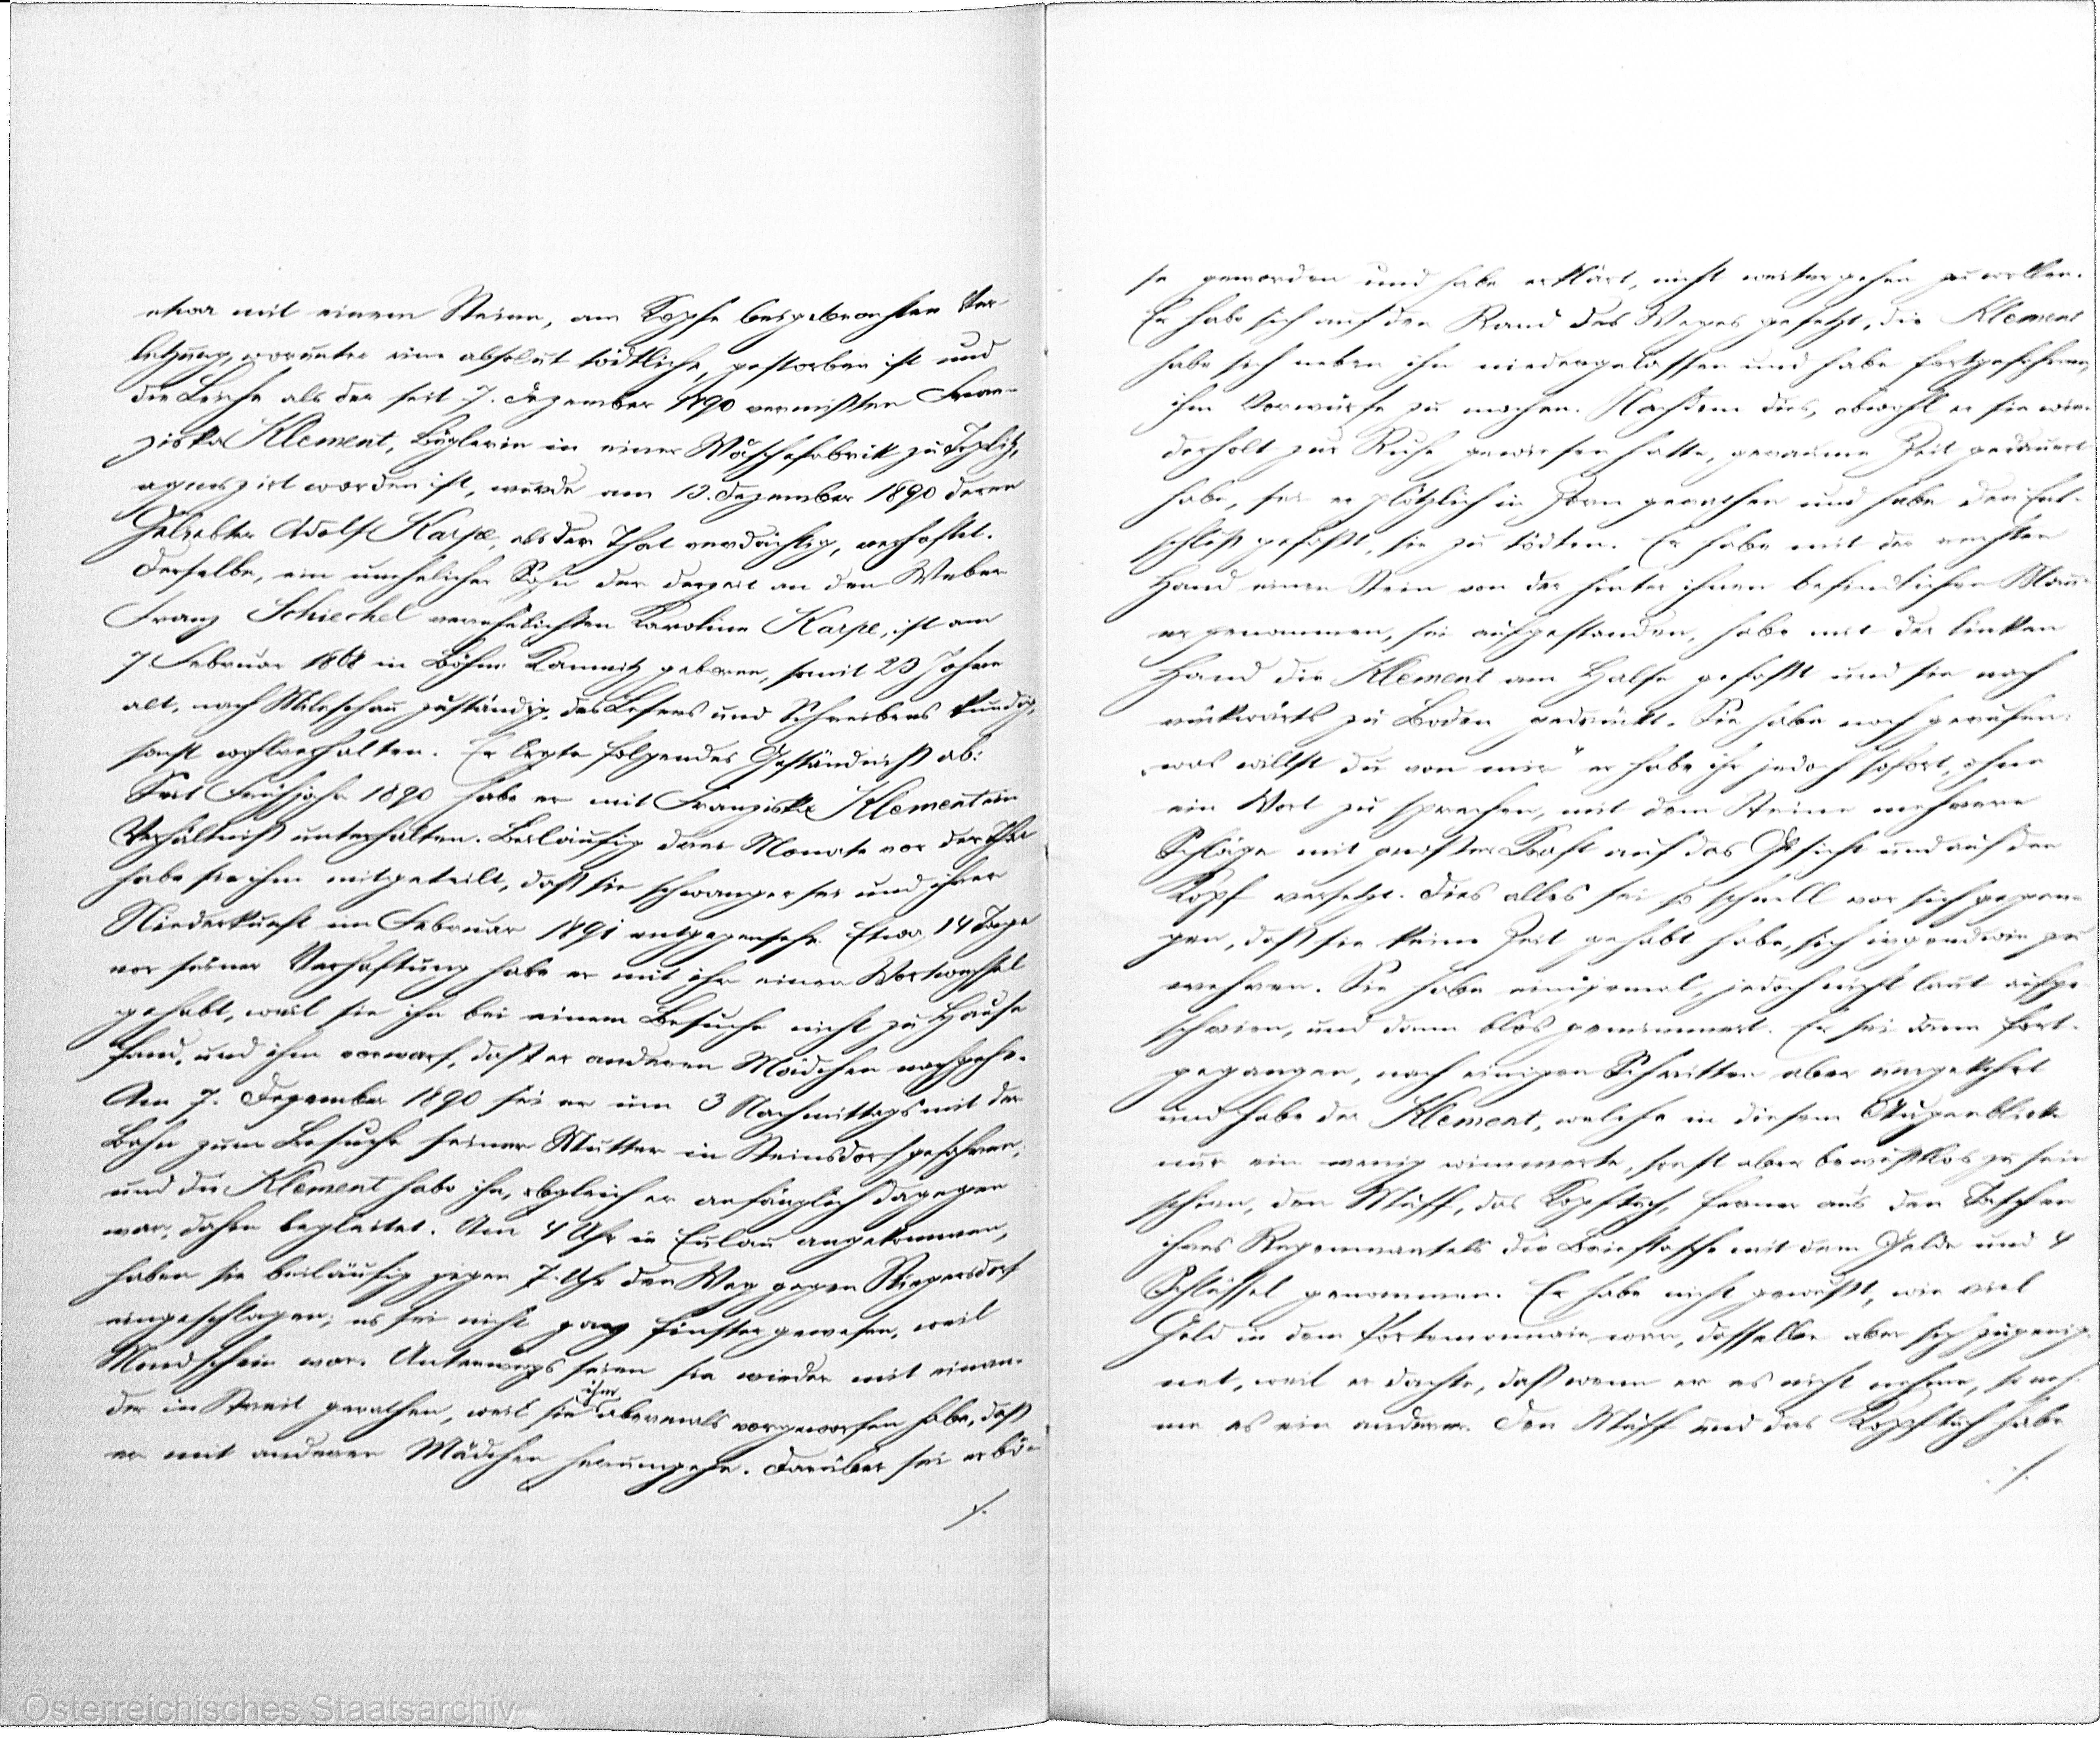etwa mit einem Steine, am Kopfe beigebrachten Ver¬
letzung, worunter eine absolut tödliche, gestorben ist und
die Leiche als der seit 7. Dezember 1890 vermißten Fran¬
ziska Klement, Büglerin in einer Wäschefabrik zu Toplitz¬
agerz ist worden ist, wurde am 13. Dezember 1890 deren
Geliebte Adolf Karpe, als der That verdächtig, verhaftet.
Derselbe, ein unehelicher Sohn der derzeit an den Weber
Franz Schieckel verehelichten Karoline Karpe, ist a
7 Februar 1868 in Böhm. Kamnitz geboren, somit 23 Jahre
alt, nach Mileschau zuständig, das Lesens und Schreibens kundig,
sonst wohlerhalten. Er legte folgendes Geständnis ab:
Seit Frühjahr 1890 habe er mit Franziska Klement ein
Verhältniß unterhalten. Beiläufig drei Monate vor der That
habe sie ihm mitgeteilt, daß sie schwanger sei und ihren
Niederkunft im February 1891 entgegensehe. Etwa 14 Tage
vor seiner Verhaftung habe er mit ihr einen Wortwechsel
gehabt, weil sie ihn bei einem Besuche nicht zu Hause
fand, und ihm vorwarf, daß er anderen Mädchen nachgehe.
Am 7. Dezember 1890 sei er um 3 Nachmittags mit der
Bahn zum Besuch seiner Mutter in Steinsdorf gefahren,
und die Klement habe ihn, obgleich er anfänglich dagegen
war, dahin begleitet. Am 4 Uhr in Eulau angekomment
haben sie beiläufig gegen 7 Uhr den Weg gegen Riegersdorf
eingeschlagen, es sei nicht ganz finster gewesen, weil
Mondschein war. Unterwegs seien sie wieder mit einan¬
ihm
der in Streit gerathen, weil sie abermals vorgeworfen habe, daß
er mit anderer Mädchen herumgehe. Darüber sei er bö¬
se geworden und habe erklärt, nicht weiter gehen zu wollen.
Er habe sich auf den Rand des Weges gesetzt, die Klement
habe sich neben ihn niedergelassen und habe fortgefahren,
ihm Vorwürfe zu machen. Nachdem dies, obwohl er sie wie¬
derholt zur Ruhe zuwiesen hatte, geraume Zeit gedauert
habe, sei er plötzlich in Zorn gerathen und habe den Ent¬
schluß gefaßt, sie zu tödten. Er habe mit der rechten
einen Stein von der hinter ihnen befindlichen Mau¬
er genommen, sei aufgestanden, habe mit der linken
Hand die Klement am Halse gefaßt und sie nach
rückwärts zu Boden gedrückt. Sie habe noch gerufen:
„was willst du von mir“ er habe ihr jedoch sofort, ohne
ein Wort zu sprechen, mit dem Steine mehrere
Schläge mit großer Kraft auf das Gesicht und auf den
Kopf versetzt. Dies alles sei so schnell vor sich gegan¬
gen, daß sie keine Zeit gehabt habe, sich irgendwie zu
wehren. Sie habe einige mal, jedoch nicht laut aufge¬
schrien, und denn blos gewimmert. Er sei dann fort¬
gegangen, nach einigen Schritte aber umgekehrt
und habe der Klement, welche in diesem Augenblick
nur ein wenig wimmerte, sonst aber bewußtlos zu sein
schien, den Muff, das Kopftuch, ferner aus den Taschen
ihres Regenmantels die Brieftasche mit dem Gelde und 4
Schlüssel genommen. Er habe nicht gewußt, wie viel
Geld in dem Portemonnaie war, dasselbe aber sich zugeeig¬
net, weil er dachte, daß wenn er es nicht nehme, so neh
me es ein anderer. Den Muff und das Kopftuch habe